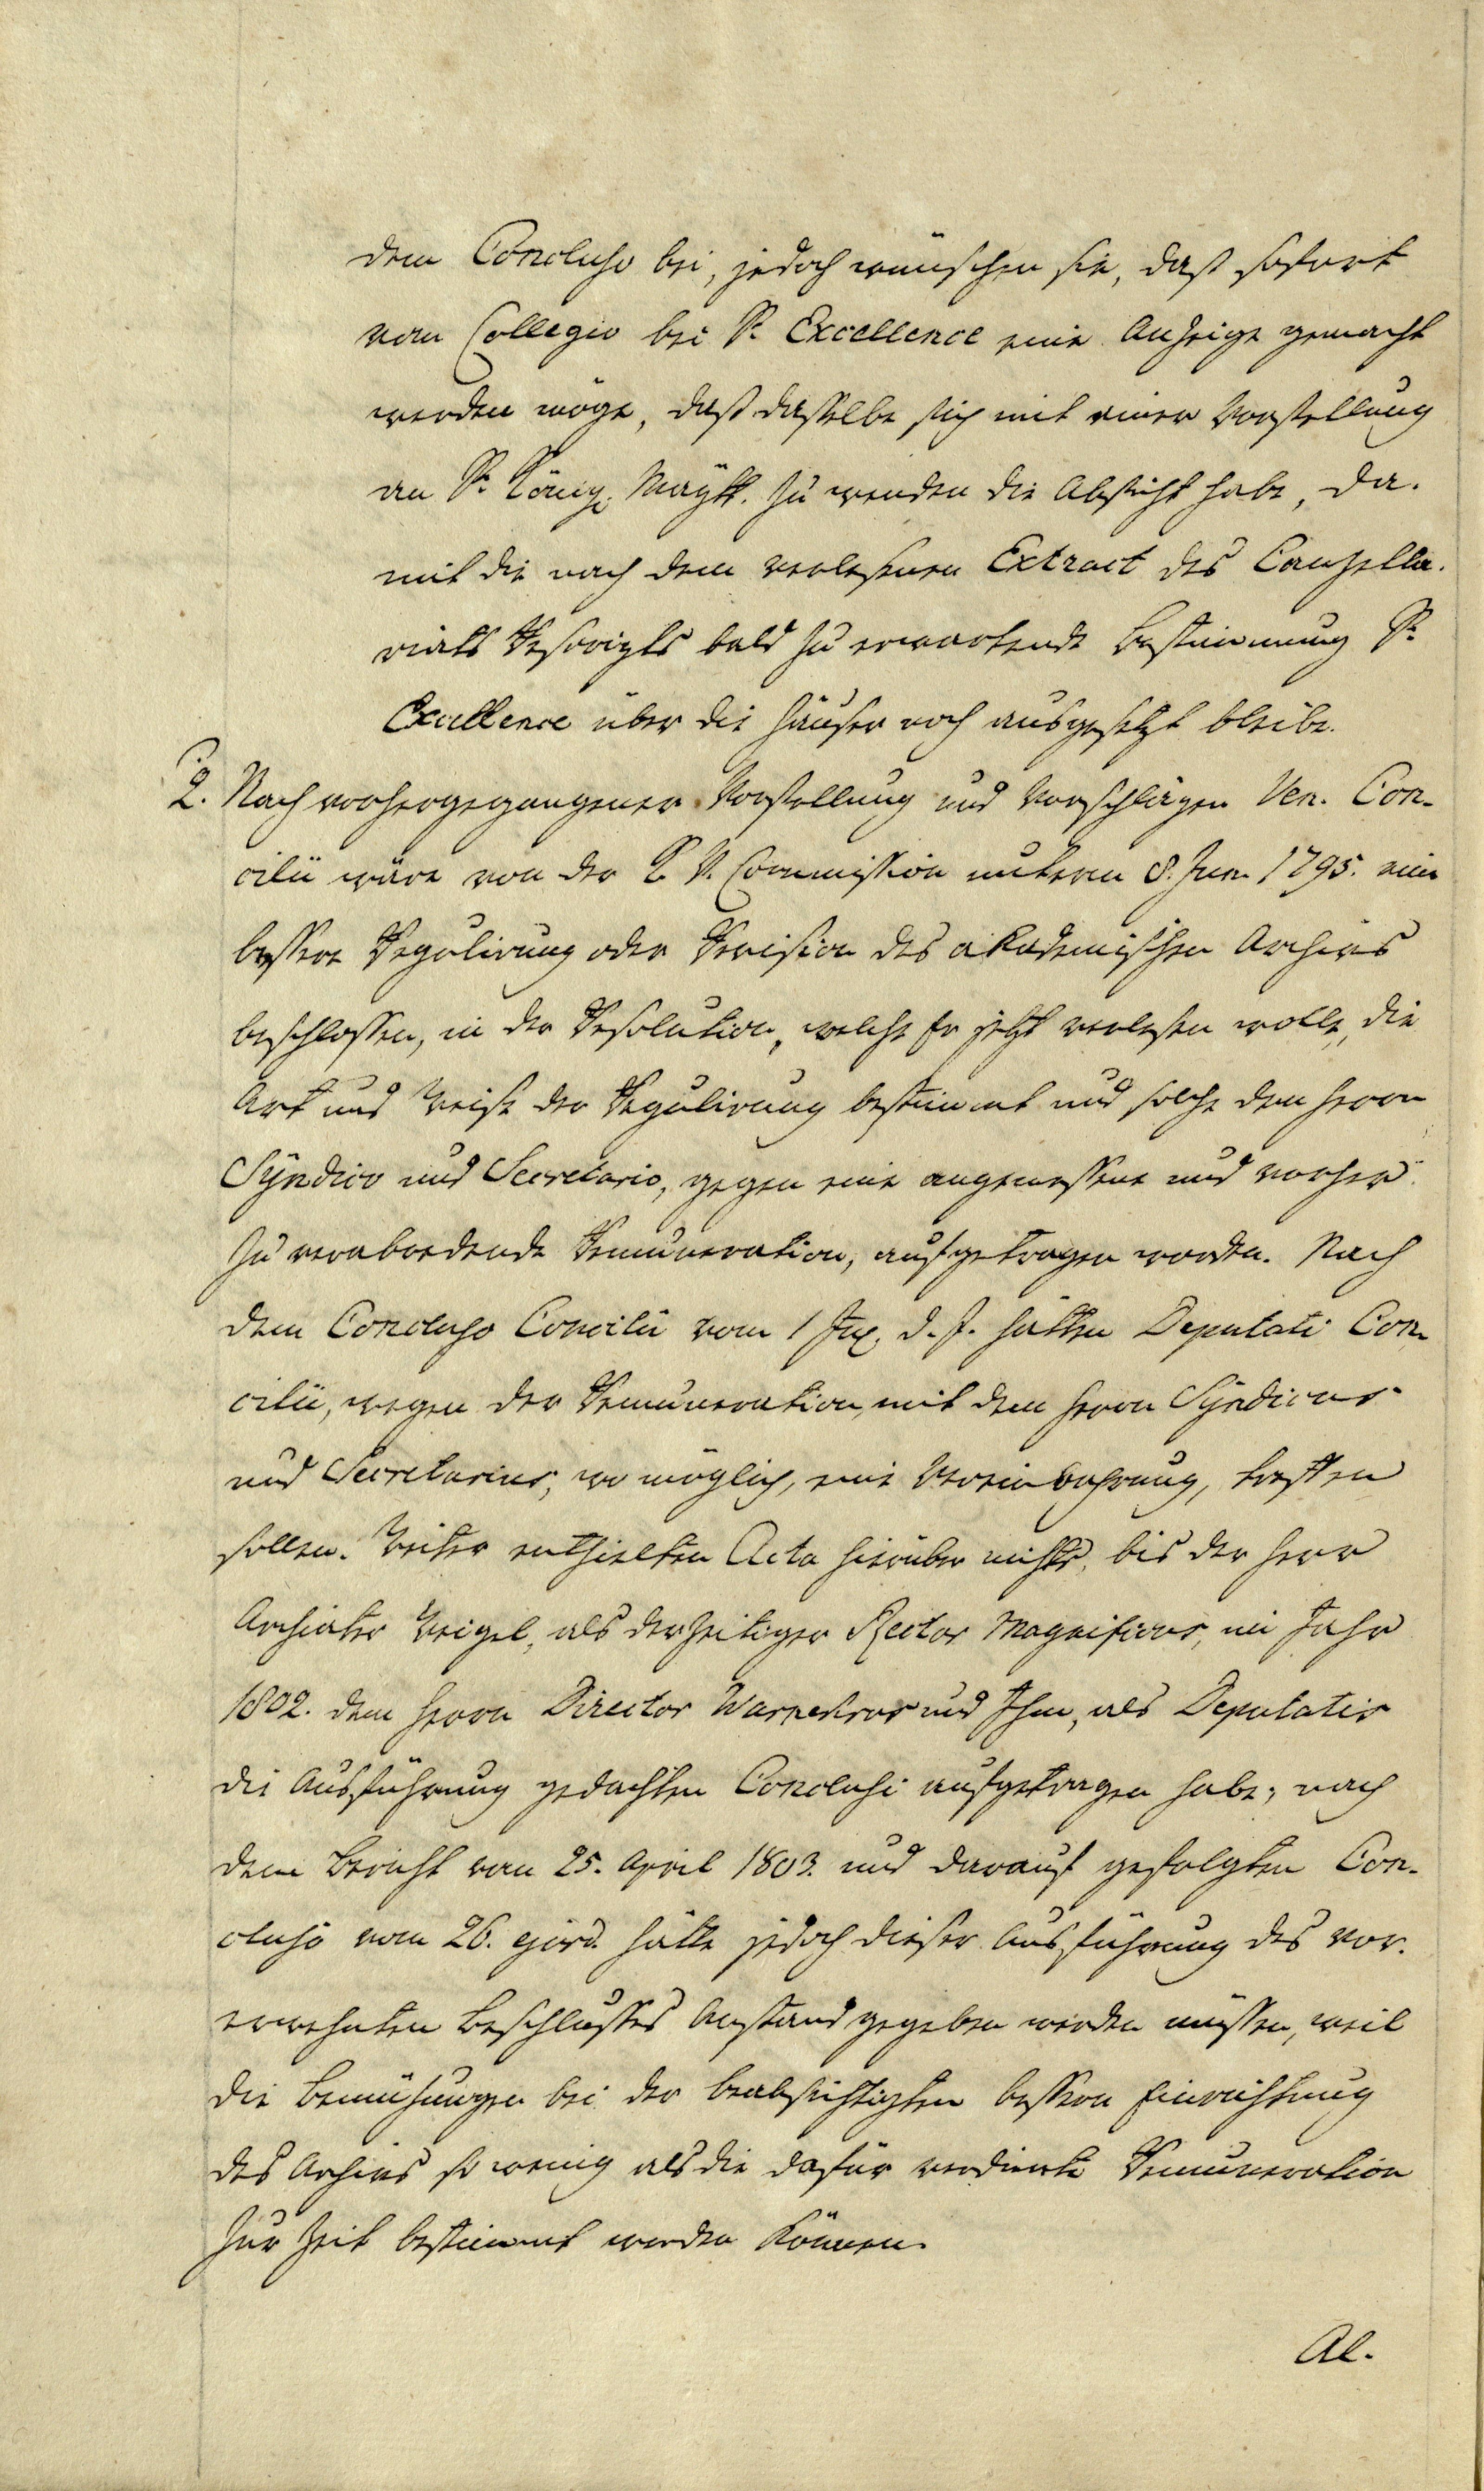dem Concluso bei, jedoch wünschen sie, daß sofort
vom Collegio bei Sr Excellence eine Anzeige gemacht
werden möge, daß dasselbe sich mit einer Vorstellung
an Sr. Königl. Maÿtt. zu wenden die Absicht habe, da¬
mit die nach dem verlesenen Extract des Canzella¬
riats Rescripts bald zu erwartende Bestimmung Sr.
Excellence über die Häuser noch ausgesetzt bleibe.
2. Nach vorhergegangener Vorstellung und Vorschlägen Ven. Con¬
cilii wäre von der K. R. Commission unterm 8. Jun. 1795. eine
bessere Regulirung oder Revision des akademischen Archivs
beschlossen, in der Resolution, welche Er jetzt verlesen wolle, die
Art und Weise der Regulirung bestimmt und solche dem Herrn
Sÿndico und Secretario, gegen eine angemessene und vorher
zu verabredende Remuneration, aufgetragen worden. Nach
dem Concluso Concilii vom 1 Jul. d. J. hätten Deputati Con¬
cilii, wegen der Remuneration mit dem Herrn Sÿndicus
und Secretarius, wo möglich, eine Vereinbahrung, treffen
sollen. Weiter enthielten Acta hierüber nichts, bis der Herr
Archiater Weigel, als derzeitiger Rector Magnificus, im Jahr
1802. dem Herrn Director Warnekros und Ihm, als Deputatis
die Ausführung gedachter Conclusi aufgetragen habe, nach
dem Bericht vom 25. April 1803. und darauf gefolgten Con¬
cluso vom 26. ejusd. hätte jedoch dieser Ausführung des vor¬
erwehnten Beschlusses Anstand gegeben werden müssen, weil
die Bemühungen bei der beabsichtigten bessern Einrichtung
des Archivs so wenig als die dafür verdiente Remuneration
zur Zeit bestimmt werden können.
Al.